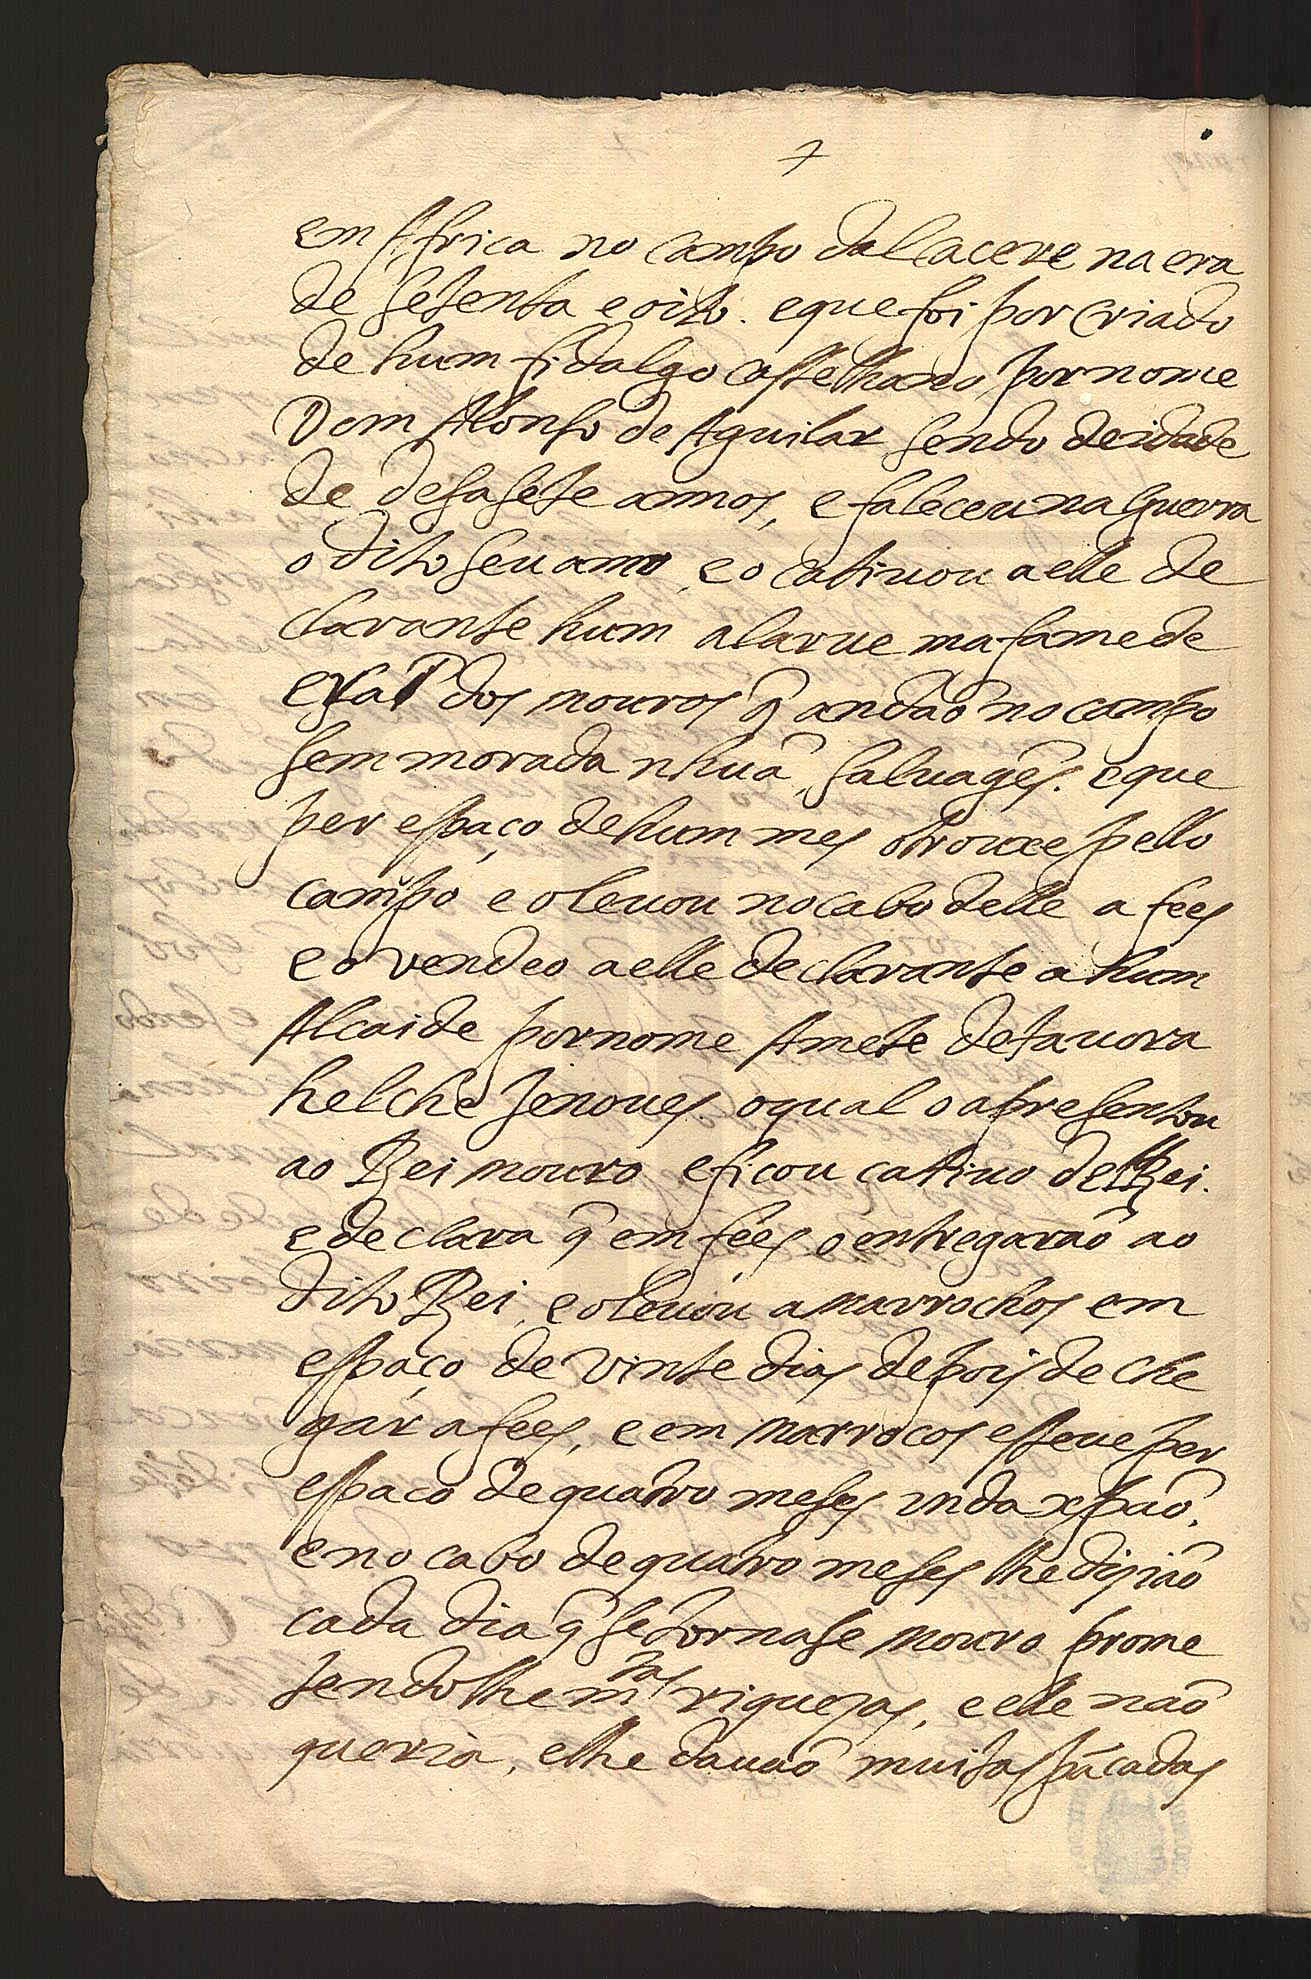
Em Africa no campo dalcacere na era
de setenta e oito. e que foi por criado
de hum fidalgo castelhano, por nome
Dom Alonso de Aguilar sendo de idade
de desasete annos, e faleceu na Guerra
o dito seu amo, e o catiuou a elle de
clarante hum alarue mafamede
era dos mouros q̄ andaõ no campo
sem morada nhuā, saluagēs. e que
per espaço de hum mes o trouxe pello
campo e o leuou no cabo delle a fees
e o vendeo a elle declarante a hum
Alcaide por nome Amete de tauora
helche Jenoues o qual o apresentou
ao Rei mouro e ficou catiuo del Rei
E declara q̄ em fees o entregaraõ ao
dito Rei, e o leuou a marrochos em
espaço de vinte dias depois de che
gar a fees, e em marrocos esteue per
espaço de quatro meses inda xpaõ
e no cabo de quatro meses lhe diziaõ
cada dia q̄ se tornase mouro prome
tendolhe mtas riquezas, e elle naõ
queria, e lhe dauaõ muitas pācadas
